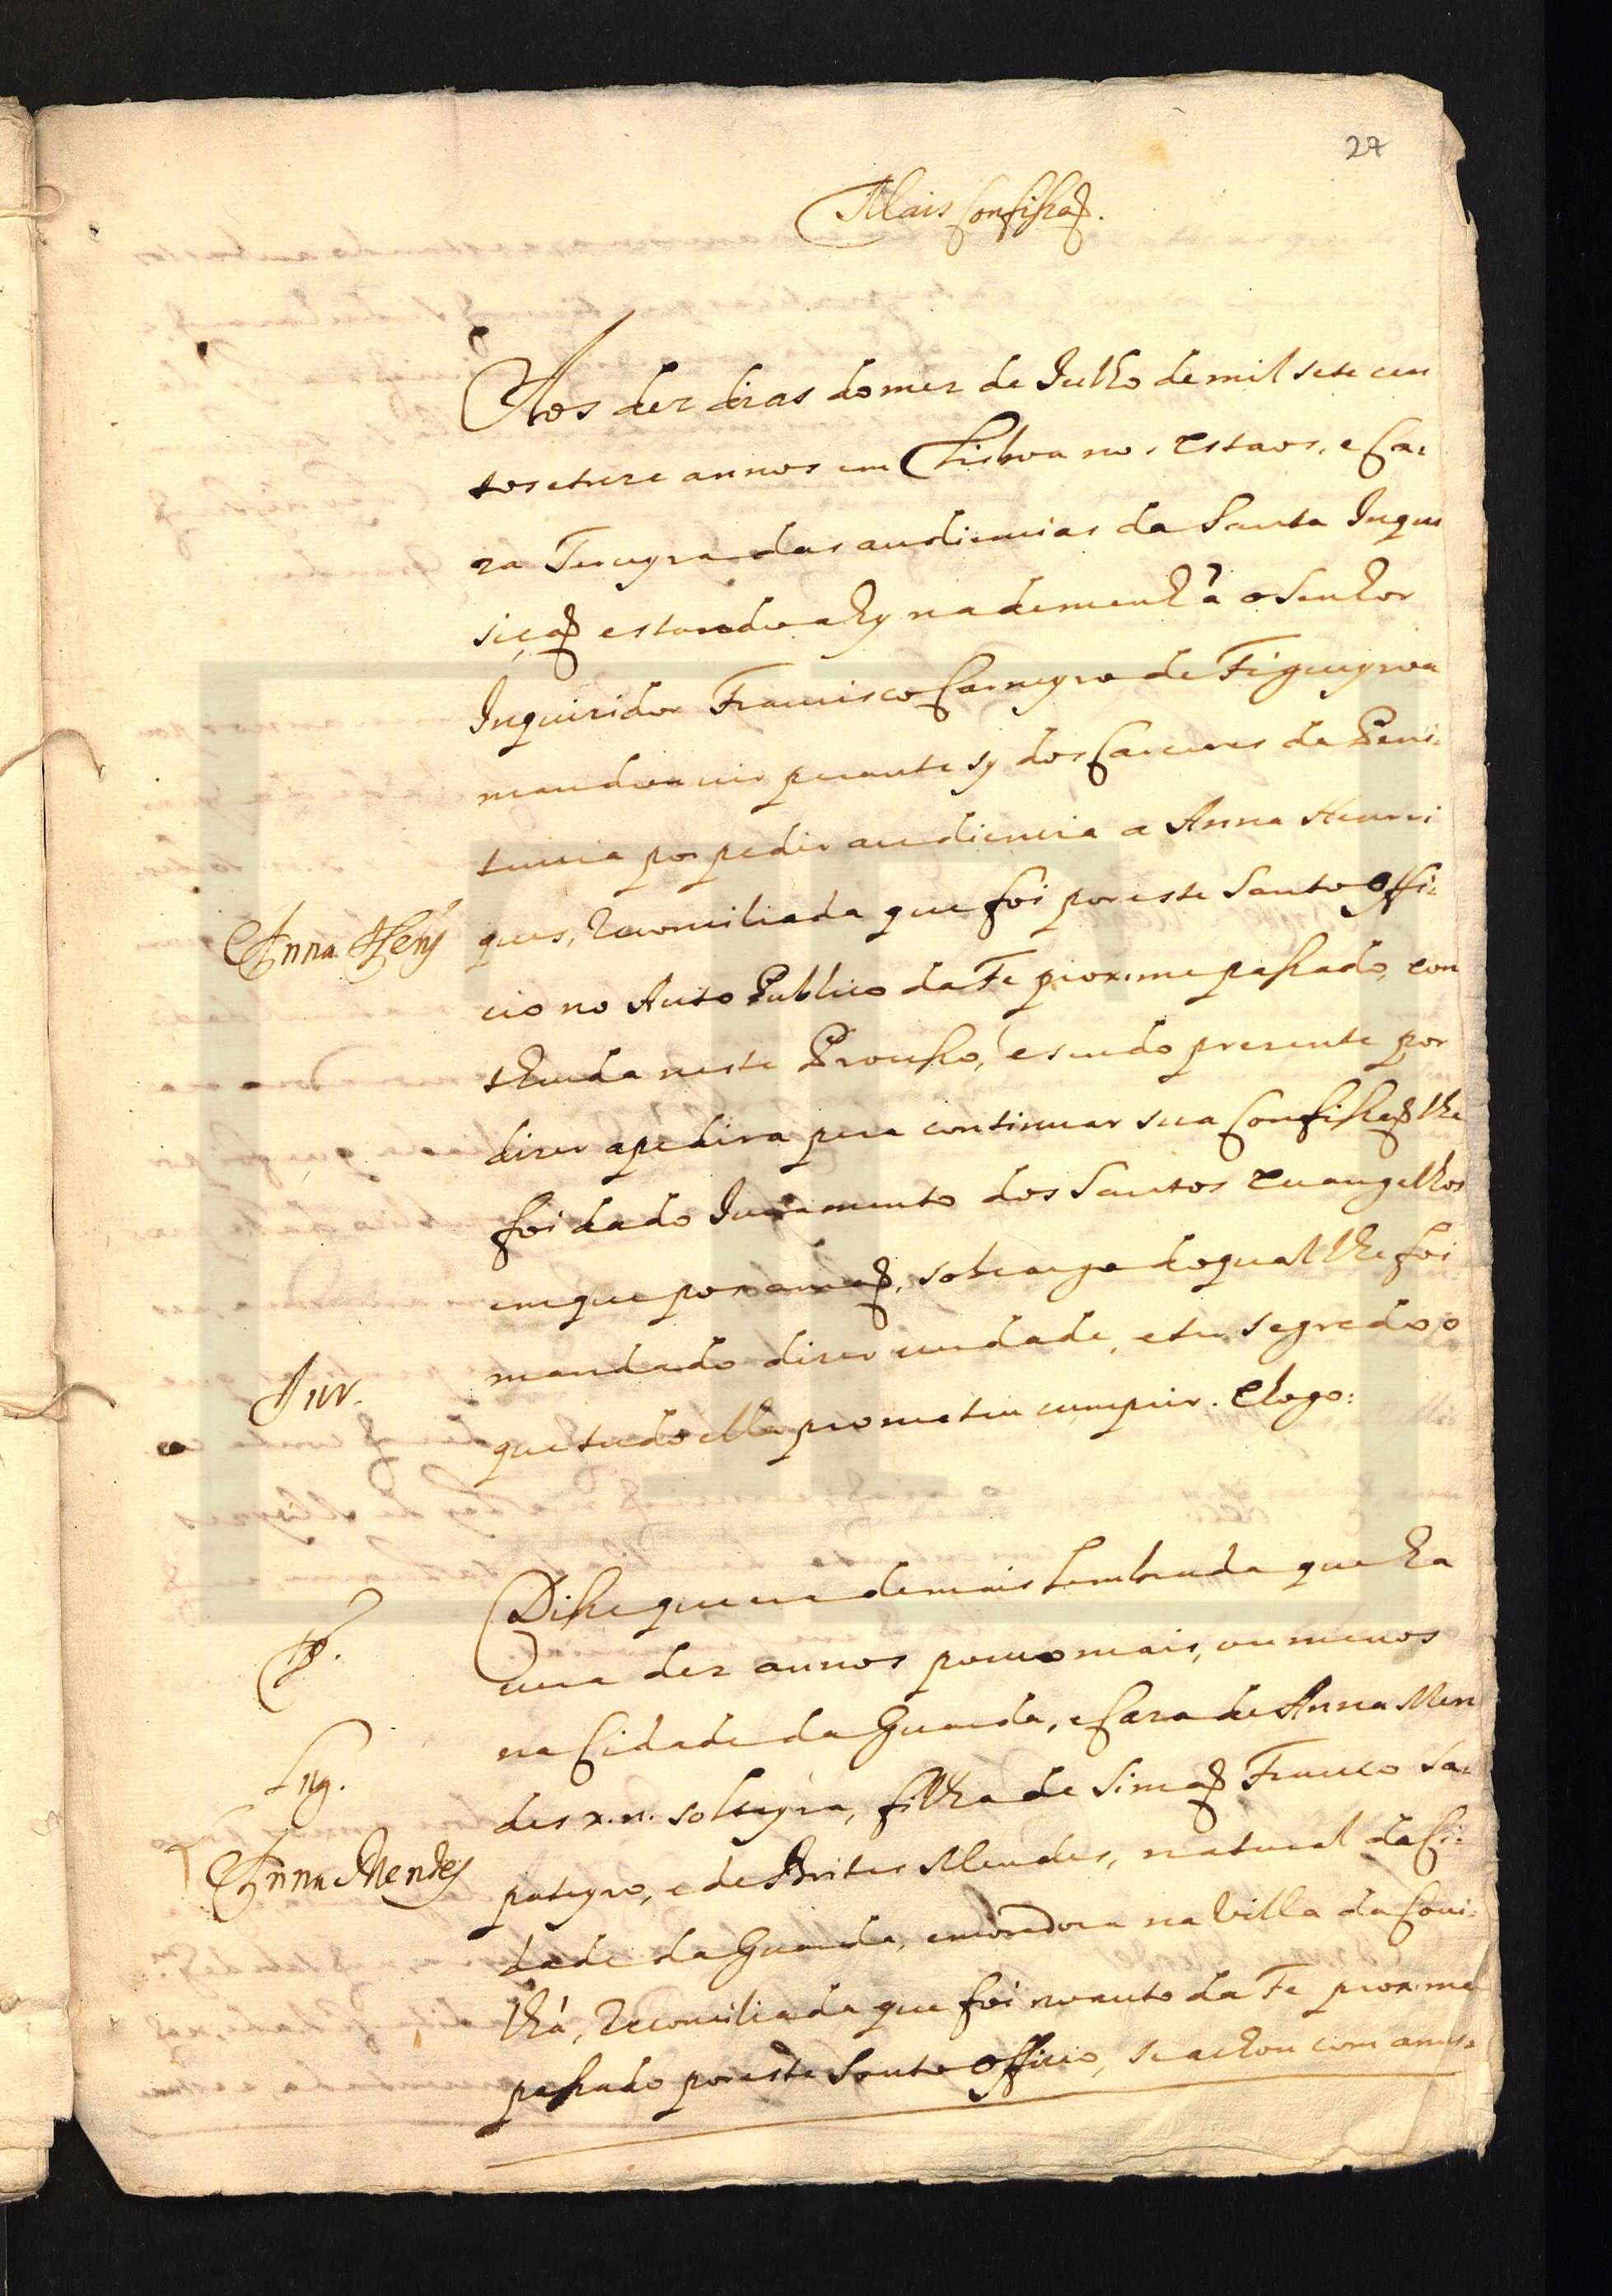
Mais Confissaõ.
Aos dez dias do mez de Iulho de mil setecen
tos e treze annos em Lisboa nos Estaos, e Ca
za Terceyra das audiencias da Santa Inqui
siçaõ estando ahy na de menhã o Senhor
Inquizidor Francisco Carneyro de Figueyroa
mandou uir perante sy dos Carceres da Peni
tencia por pedir audiencia a Anna Henrri
ques, Reconciliada que foi por este Santo offi
Anna Hen̄s
cio no Auto Publico da Fe proxime passado, con
theuda neste Processo, e sendo prezente por
dizer a pedira pera continuar sua Confissaõ lhe
foi dado Iuramento dos Santos euangelhos
em que pos a maõ, sob cargo do qual lhe foi
mandado dizer uerdade, e ter segredo o
Jur.
que tudo ella prometeu cumprir. E logo:
Disse que era de mais lembrada que ha
uera dez annos pouco mais, ou menos
na Cidade da Guarda, e Caza de Anna Men
des x. n. solteyra, filha de Simaõ Franco sa
Lug.
pateyro, e de Brites Mendes, natural da Ci
Anna Mendes
dade da Guarda, e moradora na Villa da Coui
lhã, Reconciliada que foi no auto da Fe proxime
passado por este santo officio, se achou com a mes
